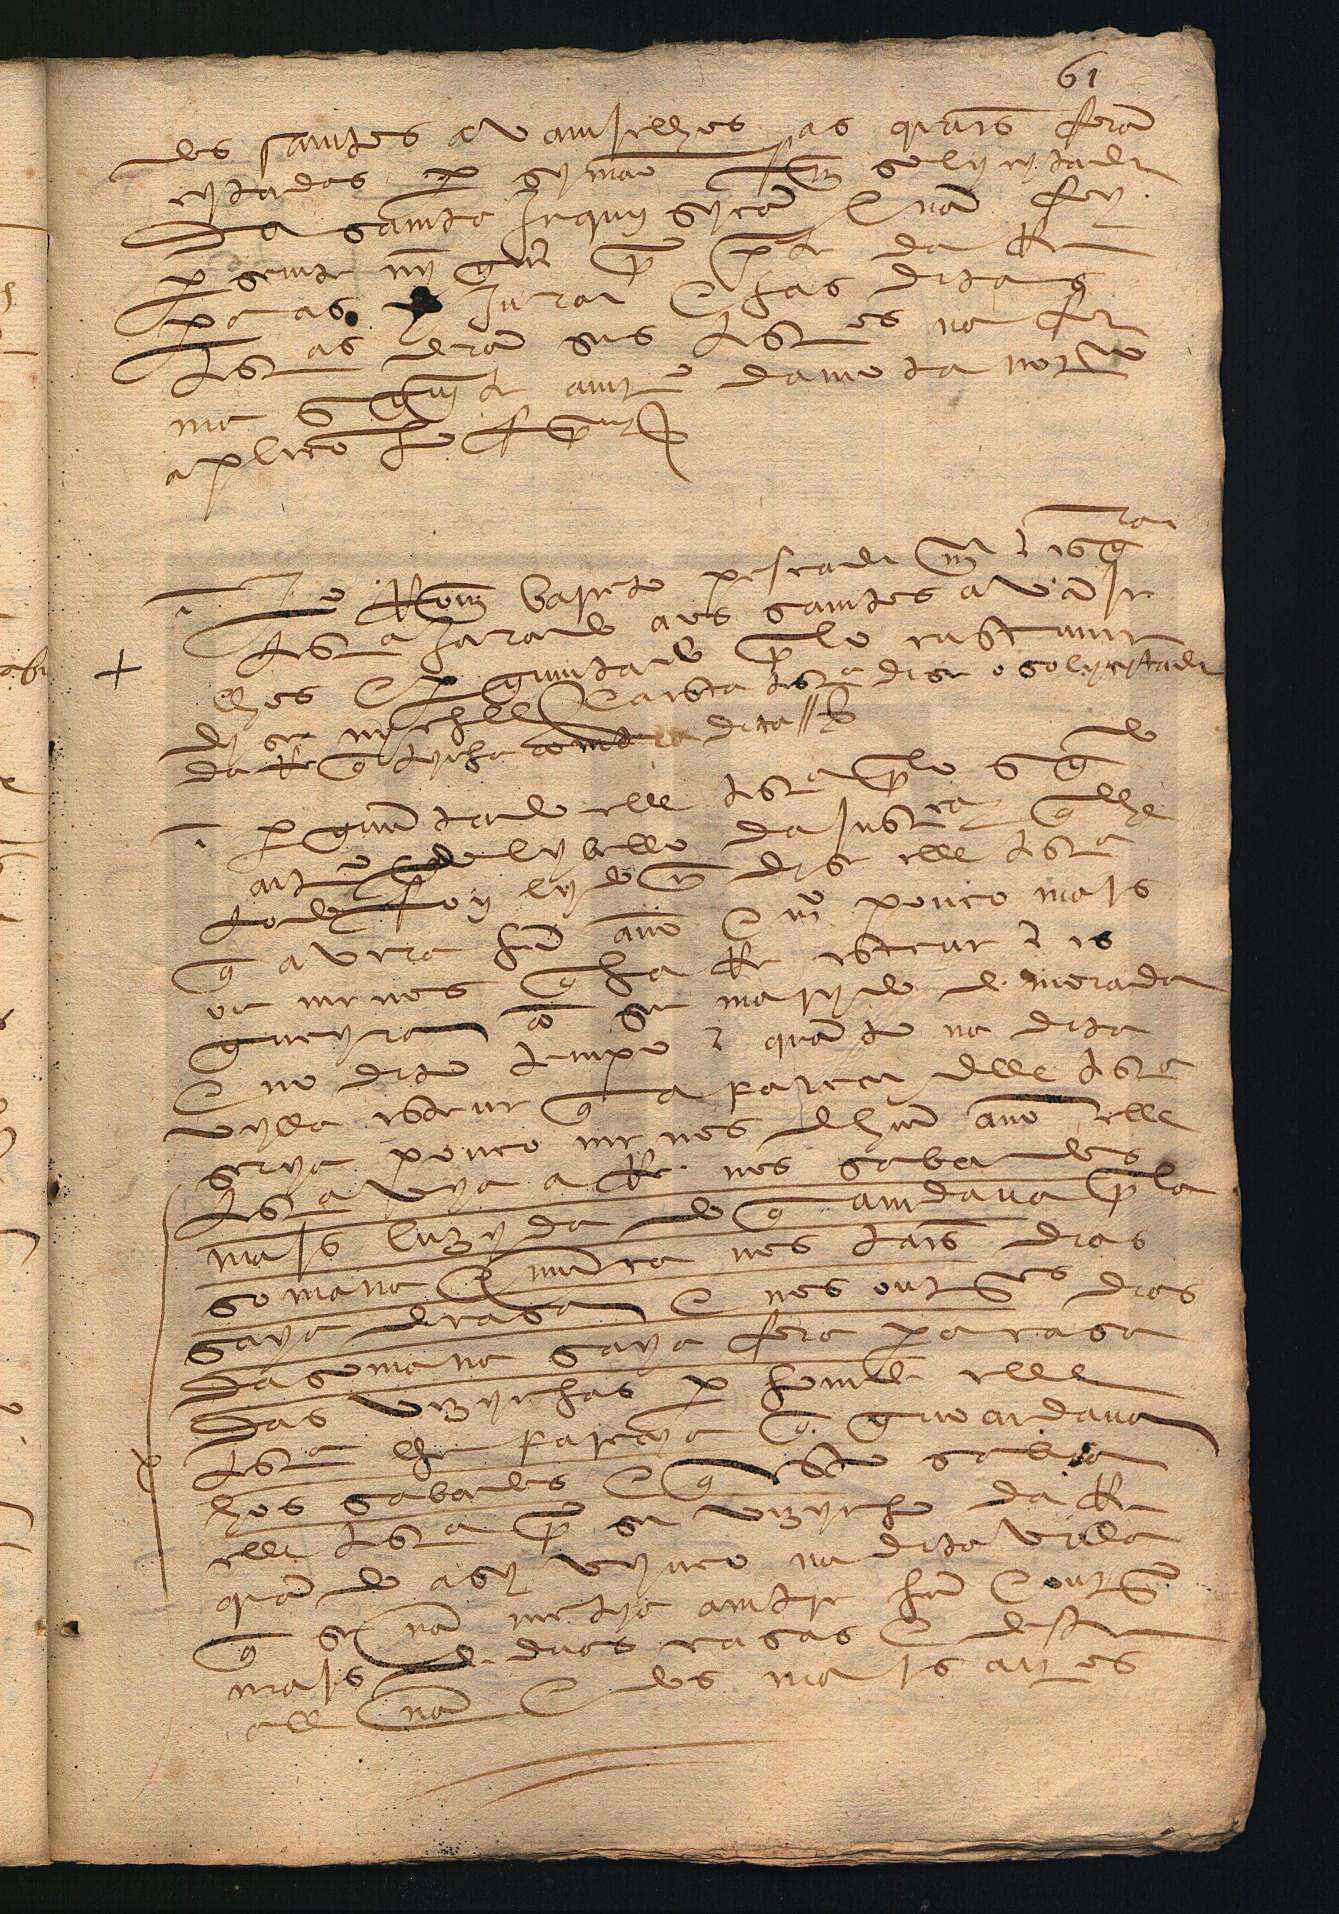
dos samtos avamJelhos as quaes forā
cytadas ꝑ symão fr̄z solycytador
da samta Jnquysyçā e hā foy
ꝑsemte n̄yguē p̄o p̄te da Re
ꝑa as ꝟ Jurar e has ditas
testas derā seus testos na for
ma seguj̄te amto da mota notro
aplicō ho sꝑuj
item Jo Rōiz barreto pescador mor ē esgra
testa Jurado aos samtos avāJe
lhos e ꝑgumtado p̄lo custume
djse nychell e a esta testa dise o solycytador
da Re q̄ tynha comtradita //
item ꝑgun̄tado elle testa p̄lo segdo
arto do lybello da Justça q̄ lhe
todo foy lydo q̄ djse elle testa
q̄ avera hū āno e mo pouco maJs
ou menos q̄ ha Re esteue ē es
gueyra c̄o seu marydo de morada
e no dito tempo ē quāto na dita
vylla esteue q̄ a pareçer delle testa
serya pouco menos de hū āno elle
testa vyra a Re nos sabados
maJs luzyda do q̄ amdaua p̄la
somana e nūca nos taēs dias
saya de casa e nos outos dias
da somana saya fora ꝑa casa
das vizynhas ꝑ homde elle
testa lhe parecya q̄ guoardaua
hos sabados e q̄ esto sabya
elle testa p̄o ser vizynho da Re
quādo asy vyueo na dita villa
q̄ se nā metya amtre hū e outo
maJs de duas casas e deste
all nā e dos maJs artos
